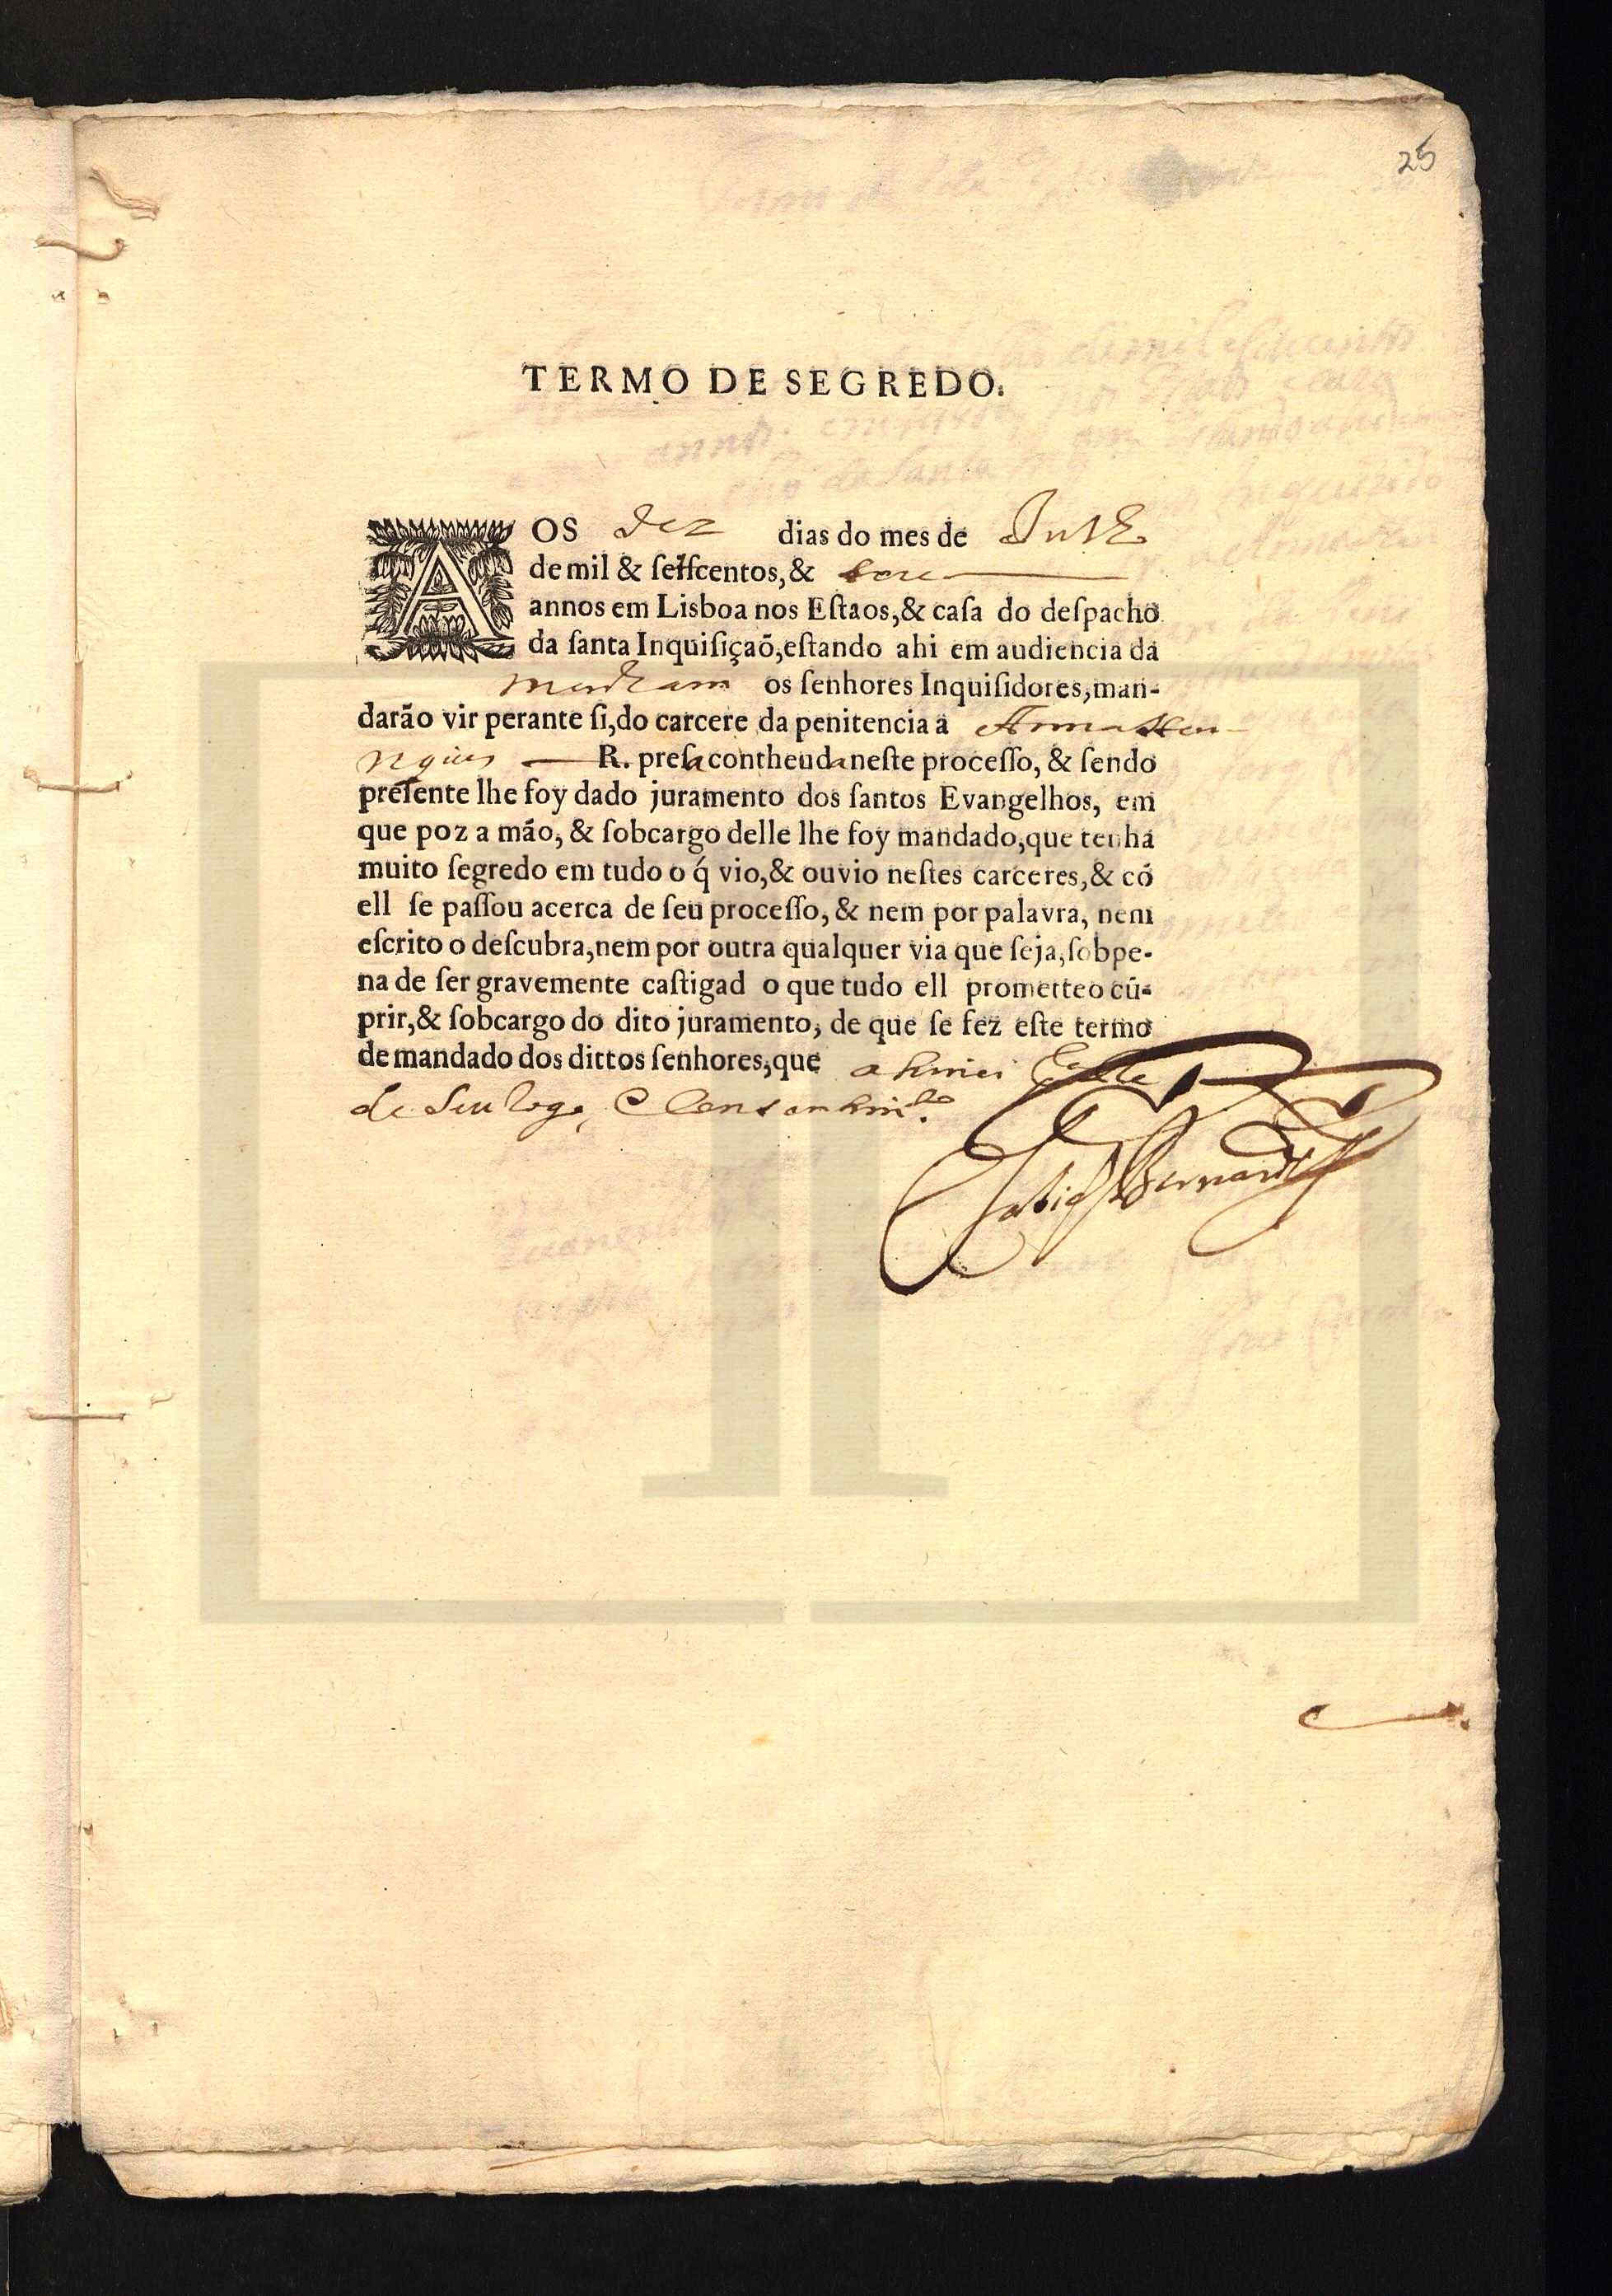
TERMO DE SEGREDO.
os dez dias do mes de Iulho
de mil & settecentos, & treze
annos em Lisboa nos Estaos, & casa do despacho
da santa Inquisiçaõ, estando ahi em audiencia da
manham os senhores Inquisidores, man
darão vir perante si, do carcere da penitencia à Anna Hen
riques
R. presa contheuda neste processo, & sendo
presente lhe foy dado juramento dos santos Evangelhos, em
que poz a mão, & sob cargo delle lhe foy mandado, que tenha
muito segredo em tudo o q̄ vio, & ouvio nestes carceres, & cō
ell se passou acerca de seu processo, & nem por palavra, nem
escrito o descubra, nem por outra qualquer via que seja, sob pe
na de ser gravemente castigad o que tudo ell prometteo cū
prir, & sob cargo do dito juramento, de que se fez este termo
de mandado dos dittos senhores, que asinei
de seu Rogo, e consentim.to
Fabioꝭ Bernandes
